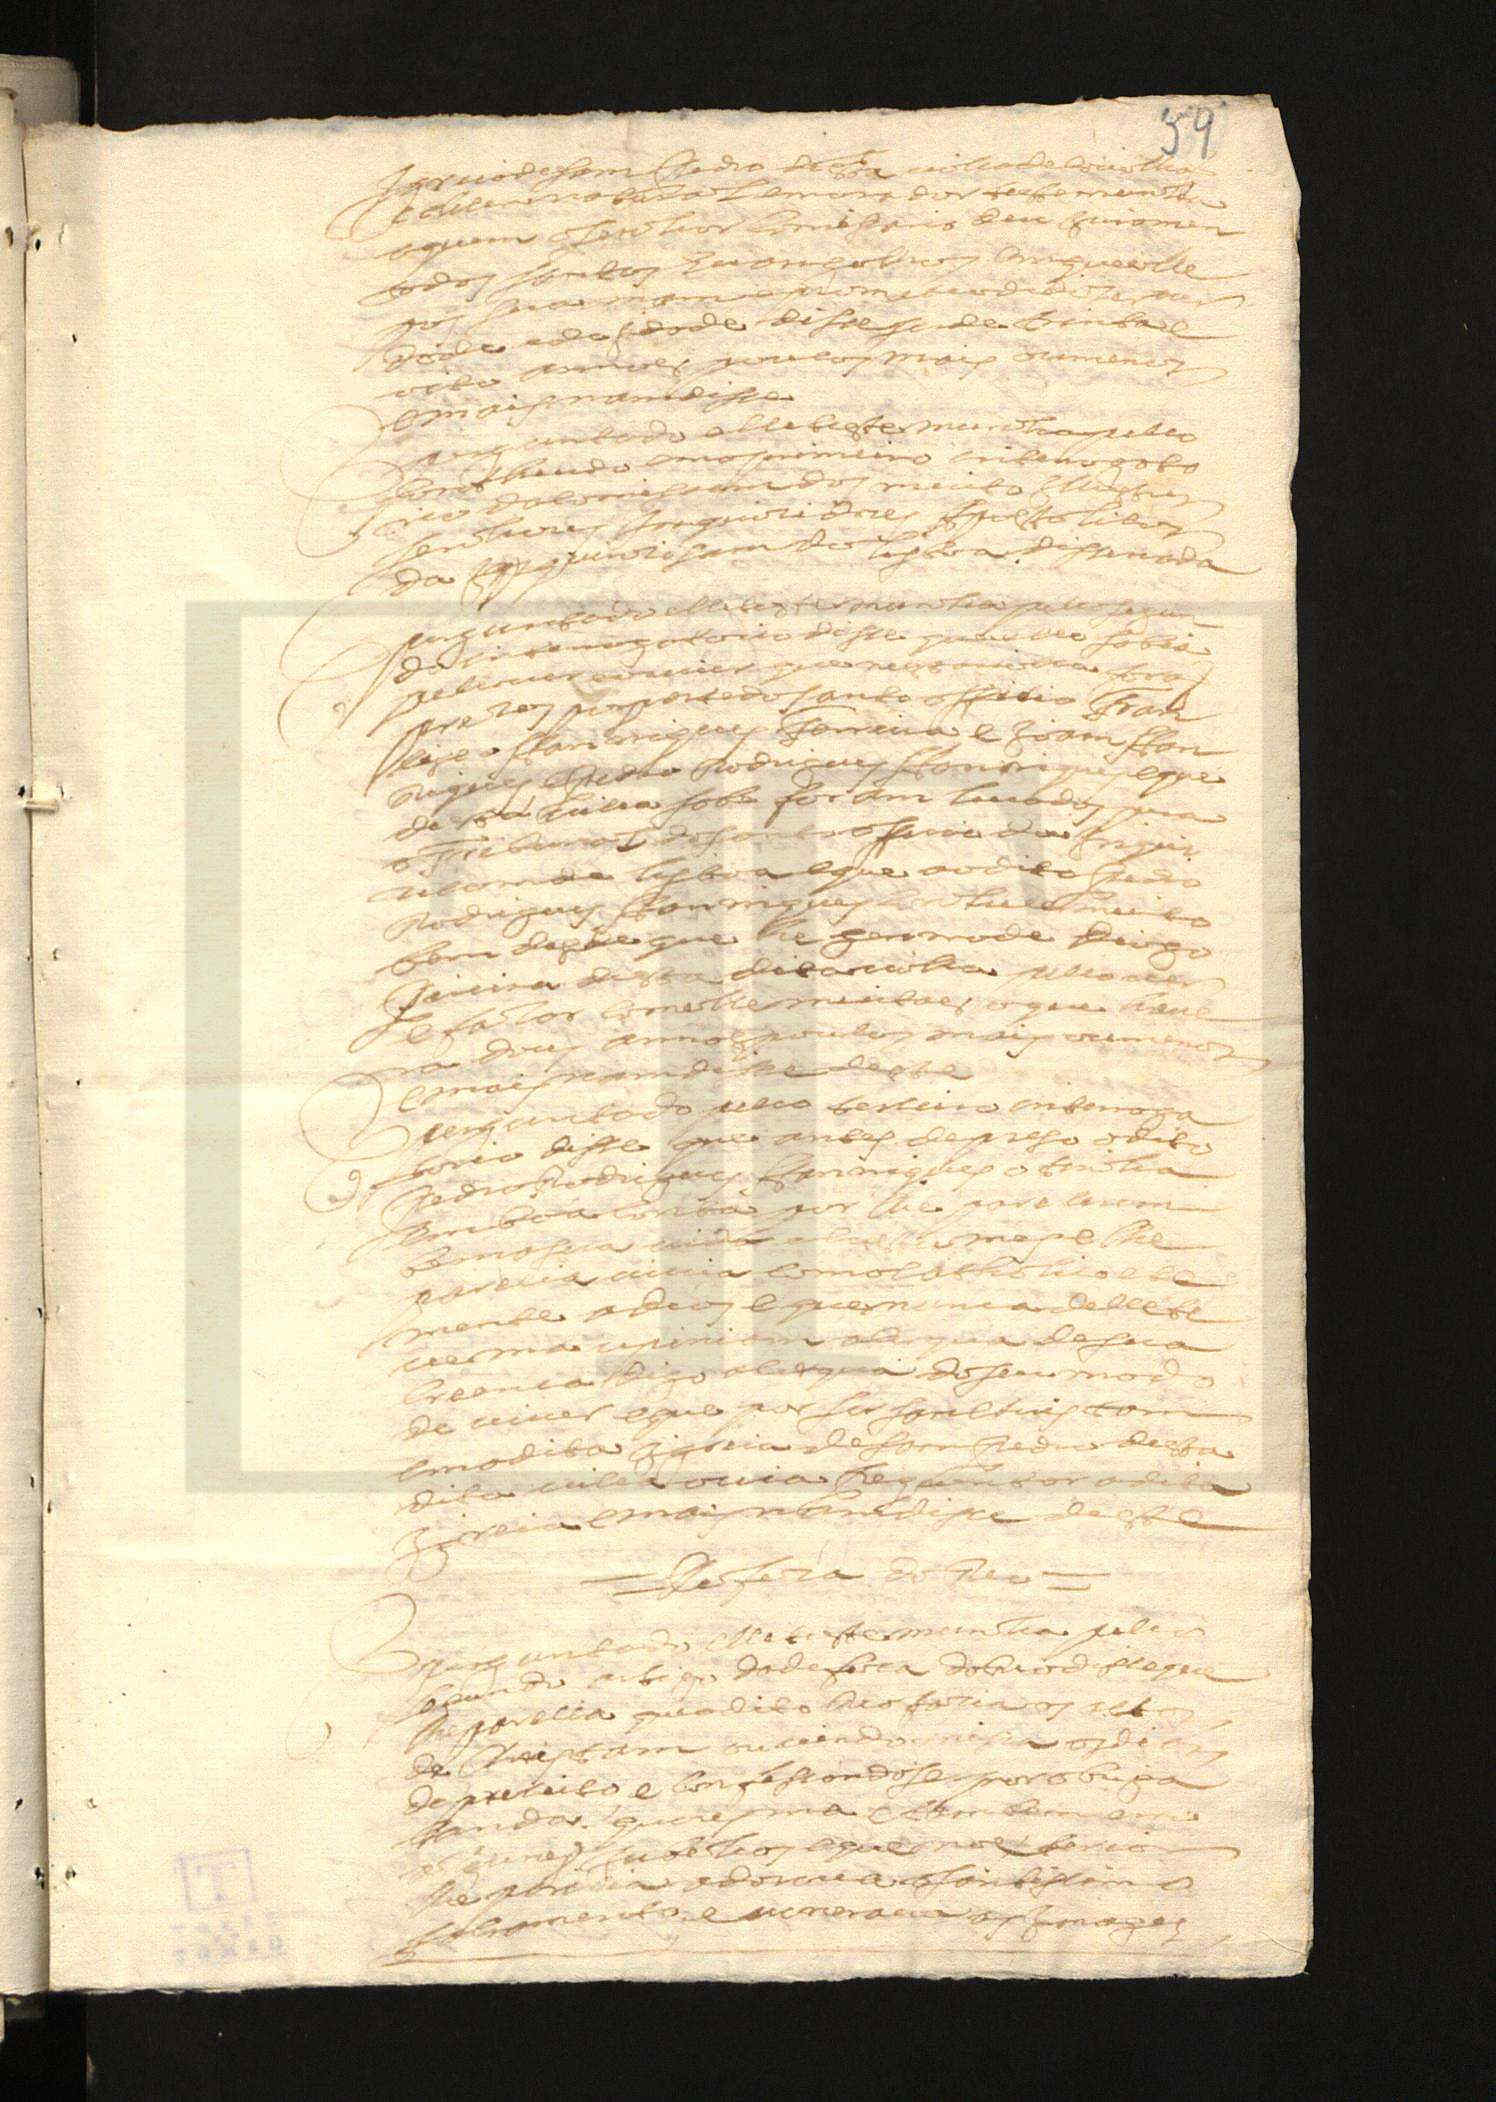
Jgreia de sam Pedro desta uilla de Couilhā
e della natural e morador testemunha
a quem o senhor Comissario deu Juramen
to dos santos Euangelhos em que elle
pos sua mam e prometeo de dizer uer
dade e de Jdade disse ser de trinta e
oito annos poucos mais ou menos
e mais nam disse
perguntado elle testemunha pello
contheudo em o primeiro interrogato
rio da comissam dos muito Jllustres
senhores Jnquizidores Apostolicos
da Jnquizisam de lisboa dise nada
perguntado elle testemunha pello segun
do interrogatorio disse que elle sabia
pello uer e ouuir que nesta uilla foraõ
prezos por parte do santo officio Fran
cisco Hanrriques Ferreira e Joam Han
Riques e Pedro Rodrigues Hanrriques e que
desta uilla sabe foram leuados pera
o Tribunal do santo officio da Jnqui
zicam de lisboa e que ao dito Pedro
Rodrigues Hanrriques conhece muito
bem desde que he genrro de Diogo
Pereira desta dita uilla pello uer
e falar com elle muitas o que haue
ra dous annos poucos mais ou menos
e mais nam disse deste
perguntado pello terceiro interroga
torio disse que antes de preso o dito
Pedro Rodrigues Hanrriques o tinha
em boa conta por lhe parecerem
bem a sua uida e custumes e lhe
parecia uiuia como catholico e te
mente a Deos e que nunca delle te
ue ma opiniam acerqua de sua
Creanca digo acerqua do seu modo
de uiuer e que por ser sanchristam
em a dita Jgreia de sam Pedro desta
dita uilla o uia frequentar a dita
Jgreia e mais nam disse deste
= Defeza do Reo =
perguntado elle testemunha pello
segundo artigo da defeza do Reo disse que
lhe parecia que o dito Reo fazia os actos
de Christam ouuindo missa os dias
de preceito e confessandose por obriga
san da quaresma e tambem em
algunos Jubeleos e que no exterior
lhe parecia adoraua o santissimo
sacramento e ueneraua as Jmages
